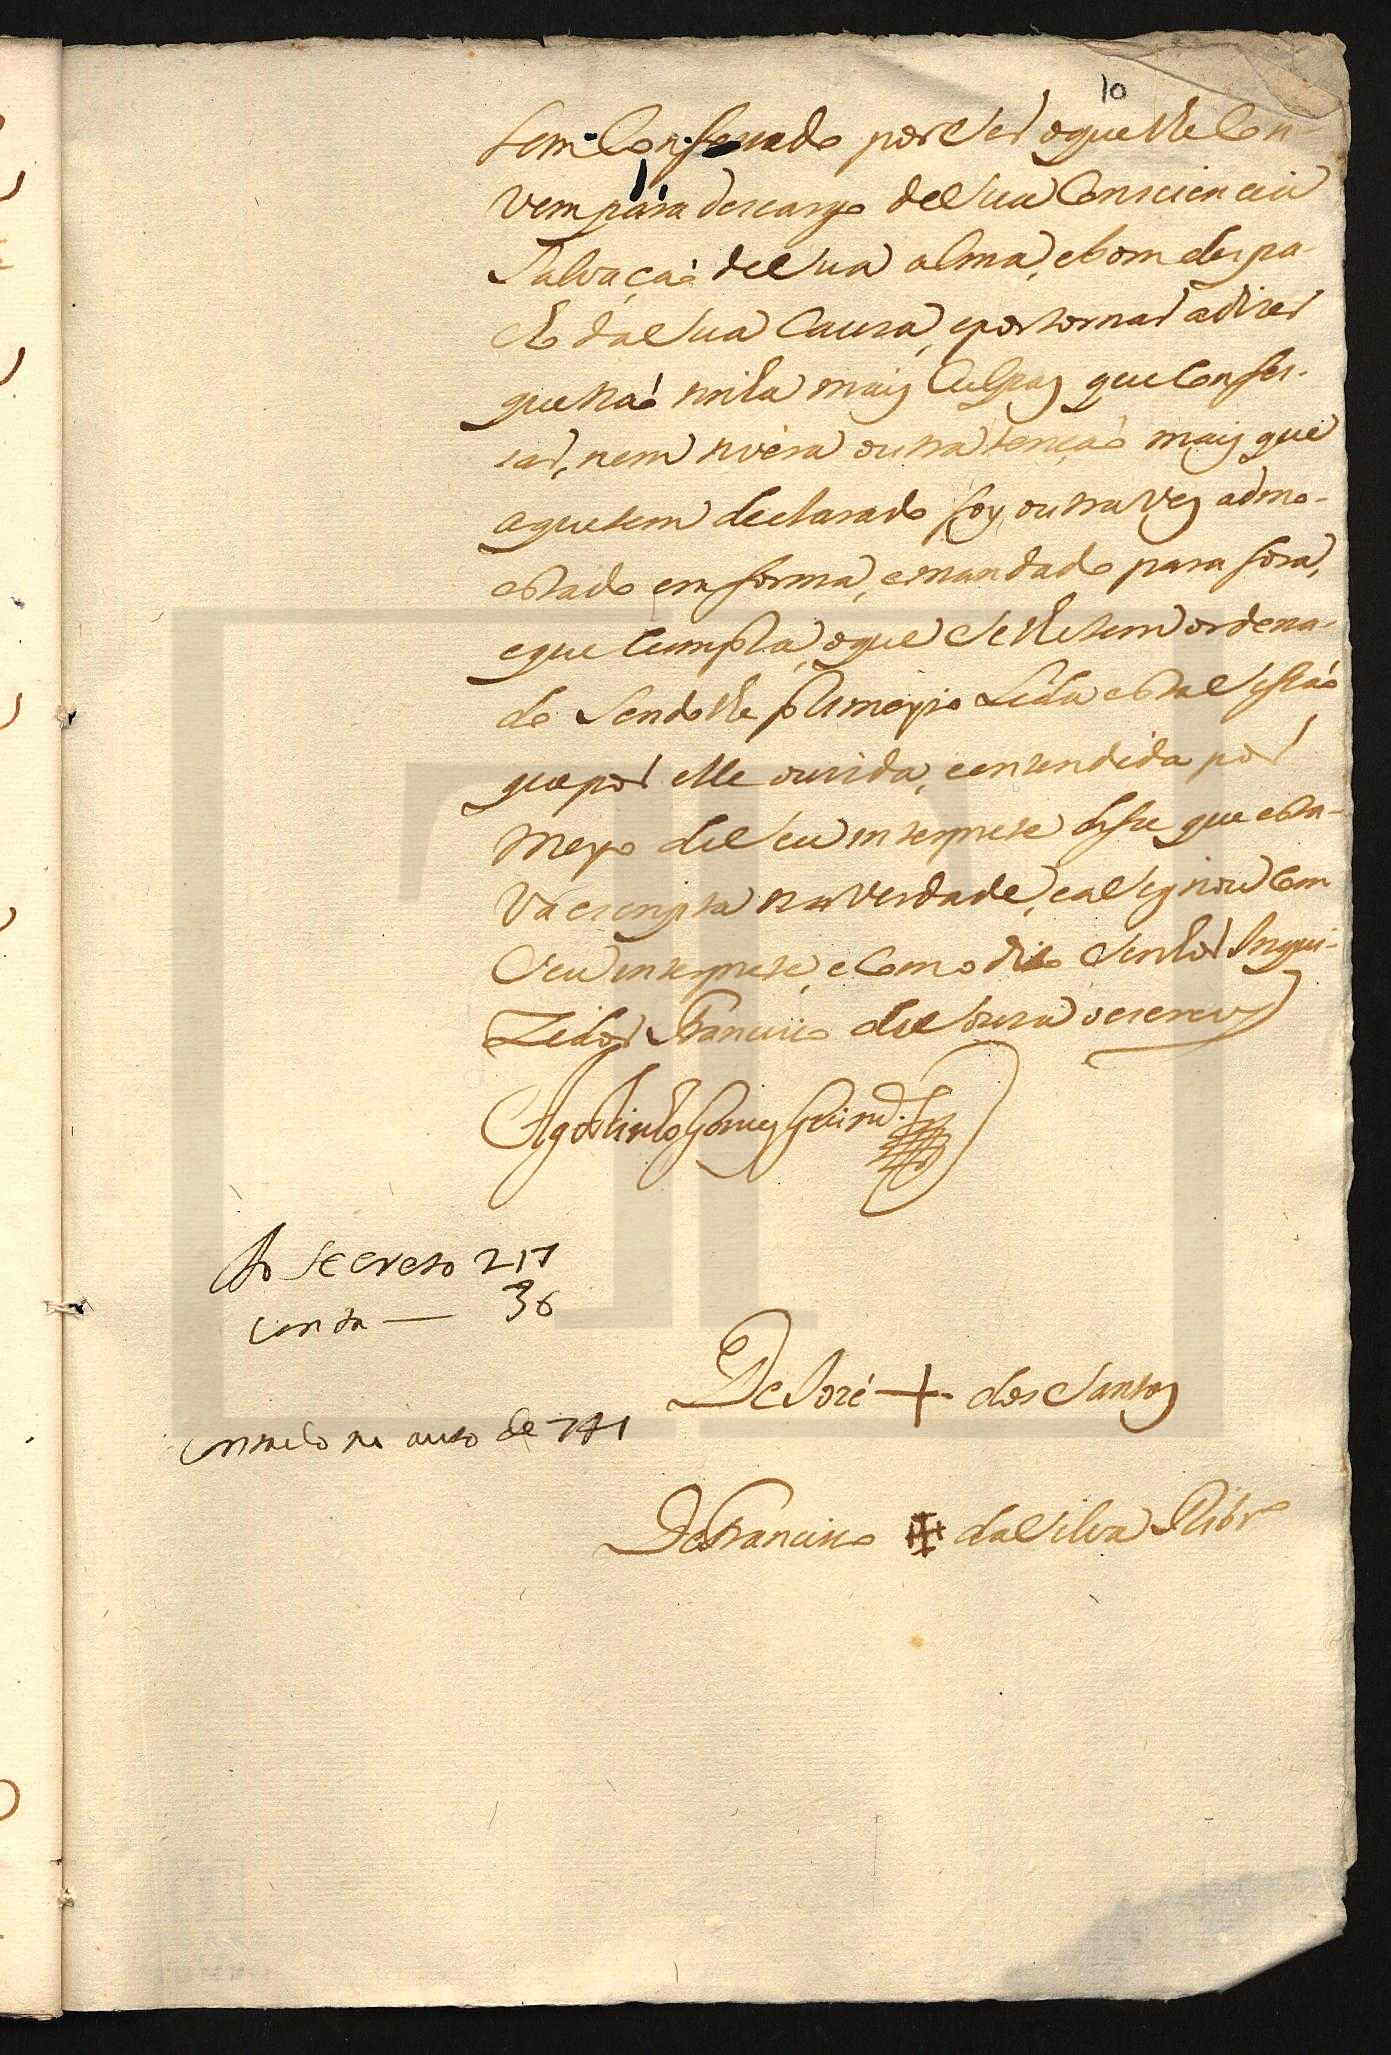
tem Confessado por ser o que lhe Con
vem para descargo de sua Consciencia
salvaçaõ de sua alma, e bom despa
cho da sua cauza, e por tornar a dizer
que naõ tinha mais Culpas que confes
sar, nem tivera outra tençaõ mais que
a que tem declarado foy outra vez admo
estado em forma, e mandado para fora,
e que cumpra o que se lhe tem ordena
do sendolhe primeyro Lida esta sessaõ
que por elle ouvida, e entendida por
meyo de seu interprete disse que esta
va escripta na verdade, e asignou com
seu interprete, e com o dito senhor Inqui
Zidor Francisco de Souza o escrevj
Agostinho Gomes Guim.es
Ao secreto 217
36
conta-
contado no auto de 741 De Iozé
dos Santos
De Francisco
da Silva Ribro
